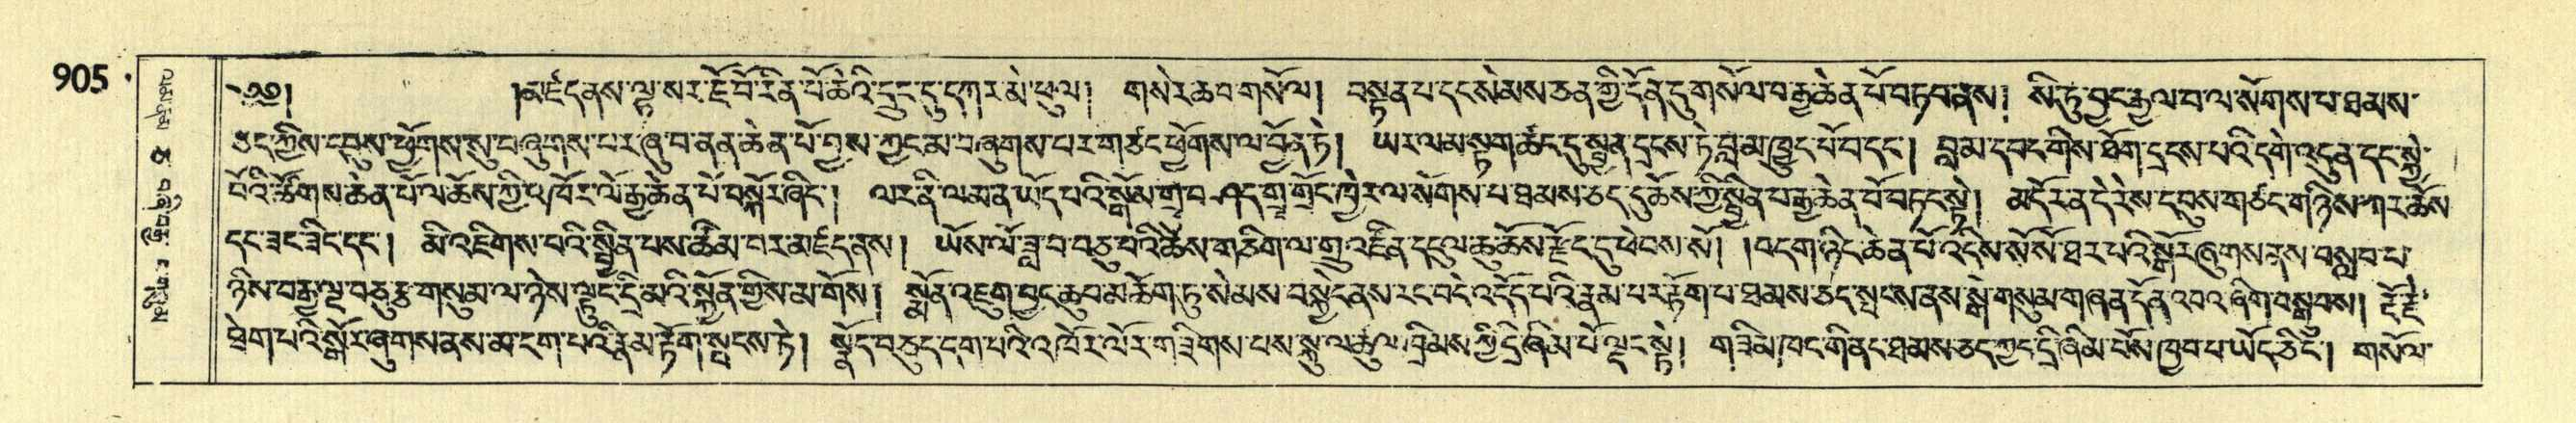༄༅། །མཛད་ནས་ལྷ་སར་ཇོ་བོ་རིན་པོ་ཆེའི་དྲུང་དུ་དཀར་མེ་ཕུལ། གསེར་ཆབ་གསོལ། བསྟན་པ་དང་སེམས་ཅན་གྱི་དོན་དུ་གསོལ་བ་རྒྱ་ཆེན་པོ་བཏབ་ནས། སི་ཏུ་བྱང་རྒྱལ་བ་ལ་སོགས་པ་ཐམས་
ཅད་ཀྱིས་དབུས་ཕྱོགས་སུ་བཞུགས་པར་ཞུ་བ་ནན་ཆེན་པོ་བྱས་ཀྱང་མ་བཞུགས་པར་གཙང་ཕྱོགས་ལ་བྱོན་ཏེ། ཡར་ལམ་སྟག་ཚང་དུ་སྤྱན་དྲངས་ཏེ་བླ་མ་ཁྱུང་པོ་བ་དང་། བླ་མ་དབང་གིས་ཐོག་དྲངས་པའི་དགེ་འདུན་དང་སྐྱེ་
བོའི་ཚོགས་ཆེན་པོ་ལ་ཆོས་ཀྱི་འཁོར་ལོ་རྒྱ་ཆེན་པོ་བསྐོར་ཞིང་། ལར་ནི་ལམ་ན་ཡོད་པའི་སྒོམ་གྲྭ་བཤད་གྲྭ་གྲོང་ཁྱེར་ལ་སོགས་པ་ཐམས་ཅད་དུ་ཆོས་ཀྱི་སྦྱིན་པ་རྒྱ་ཆེན་པོ་བཏང་སྟེ། མདོར་ན་དེ་རེས་དབུས་གཙང་གཉིས་ཀར་ཆོས་
དང་ཟང་ཟིང་དང་། མི་འཇིགས་པའི་སྦྱིན་པས་ཚིམ་བར་མཛད་ནས། ཡོས་ལོ་ཟླ་བ་བཅུ་བའི་ཚེས་གཅིག་ལ་གྲུ་འཛིན་དངུལ་ཆུ་ཆོས་རྫོང་དུ་ཕེབས་སོ། །བདག་ཉིད་ཆེན་པོ་འདིས་སོ་སོ་ཐར་པའི་སྒོར་ཞུགས་ནས་བསླབ་པ་
ཉིས་བརྒྱ་ལྔ་བཅུ་རྩ་གསུམ་ལ་ཉེས་ལྟུང་དྲི་མའི་སྐྱོན་གྱིས་མ་གོས། སྨོན་འཇུག་བྱང་ཆུབ་མཆོག་ཏུ་སེམས་བསྐྱེད་ནས་རང་བདེ་འདོད་པའི་རྣམ་པར་རྟོག་པ་ཐམས་ཅད་སྤངས་ནས་སྒེ་གསུམ་གཞན་དོན་འབའ་ཞིག་བསྒྲུབས། རྡོ་རྗེ་
ཐེག་པའི་སྒོར་ཞུགས་ནས་མ་ངག་པའི་རྣམ་རྟོག་སྤངས་ཏེ། སྣོད་བཅུད་དག་པའི་འཁོར་ལོར་གཟིགས་པས་སྐུ་ལ་ཚུལ་ཁྲིམས་ཀྱི་དྲི་ཞིམ་པོ་ལྡང་སྟེ། གཟིམ་ཁང་གི་ནང་ཐམས་ཅད་ཀྱང་དྲི་ཞིམ་པོས་ཁྱབ་པ་ཡོད་ཅིང་། གསོལ་